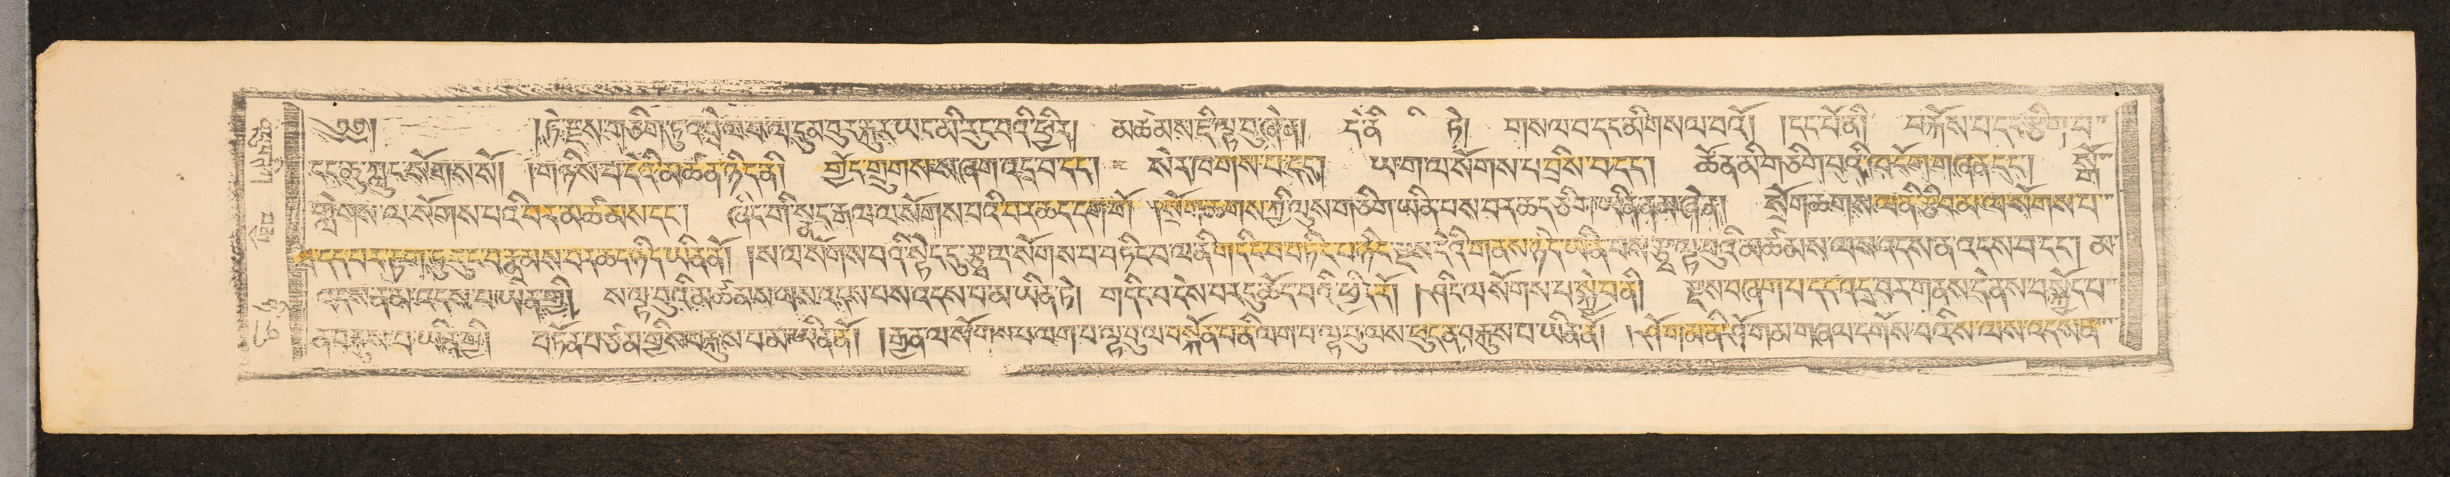༄༅། །ཏེ་རྫས་གཅིག་ཏུ་འབྲེལ་བ་ལ་དུམ་བུར་རྐུར་ཡང་མི་རུང་བའི་ཕྱིར། མཚམས་ཇི་ལྟ་བུ་ཞེ་ན། དེ་ནི་གཉིས་ཏེ། གསལ་བ་དང་མིགས་ལ་བའོ། །དང་པོ་ནི། བརྐོས་པ་དང་རྩིག་པ་
དང་ཆུ་ཀླུད་སོགས་སོ། །གཉིས་པ་དེའི་མཚན་ཉིད་ནི། གྱོང་གྲུགས་ས་ཞག་འདྲ་བ་དང་། སེར་ཁ་གས་པ་དང་། ཡི་གེ་ལ་སོགས་པ་བྲིས་པ་དང་། ཚོན་མི་གཅིག་པའི་ཁ་དོག་གཞན་དང་། སྒོ་
གླེགས་ལ་སོགས་པའི་བར་མཚམས་དང་། ཞིང་གི་སྣང་རྒལ་ལ་སོགས་པའི་བར་ཆད་དག་གོ །སྲོག་ཆགས་ཀྱི་ལུས་གཅིག་ཡིན་པས་བར་ཆད་ཅིག་ཡིན་ནམ་ཞེ་ན། སྲོག་ཆགས་ལ་ནི་རྩིབ་མ་ལ་སོགས་པ་
ཐ་དད་པར་རྟག་ཏུ་རུང་བ་རྣམས་བར་ཆད་ཉིད་ཡིན་ནོ། །ས་ལ་སོགས་པའི་སྟེང་དུ་རྩྭ་ལ་སོགས་པ་བཏིང་བ་ལ་ནི་གདིང་བ་བཏིང་བ་ཉིད་རྫས་དེའི་གནས་ཉིད་ཡིན་པས་རྩྭ་ལྟ་བུའི་མཚམས་ལས་འདས་ན་འདས་པ་དང་། མ་
འདས་ན་མ་འདས་པ་ཡིན་གྱི། ས་ལྟ་བུའི་མཚམས་ལས་འདས་པས་འདས་པ་མ་ཡིན་ཏེ། གདིང་བ་དེས་བར་དུ་ཆོད་པའི་ཕྱིར་རོ། །ཤིང་ལ་སོགས་པ་སྐྱེ་བ་ནི། རྫས་བཞག་པ་དང་འདྲ་བར་གནས་དེ་ནས་བསྐྱོད་པ་
ན་བརྐུས་པ་ཡིན་གྱི། བཏོན་པ་ཙམ་གྱིས་བརྐུས་པ་མ་ཡིན་ནོ། །རྒྱན་ལ་སོགས་པ་ལག་པ་ལྟ་བུ་ལ་བསྐོན་པ་ནི་ལག་བ་ལྟ་བུ་ལས་ཕུང་ན་བརྐུས་བ་ཡིན་ནོ། །ཤོ་གམ་ནི་ཤོག་གམ་གཞལ་དགོས་པའི་ས་ལས་འདས་ན་